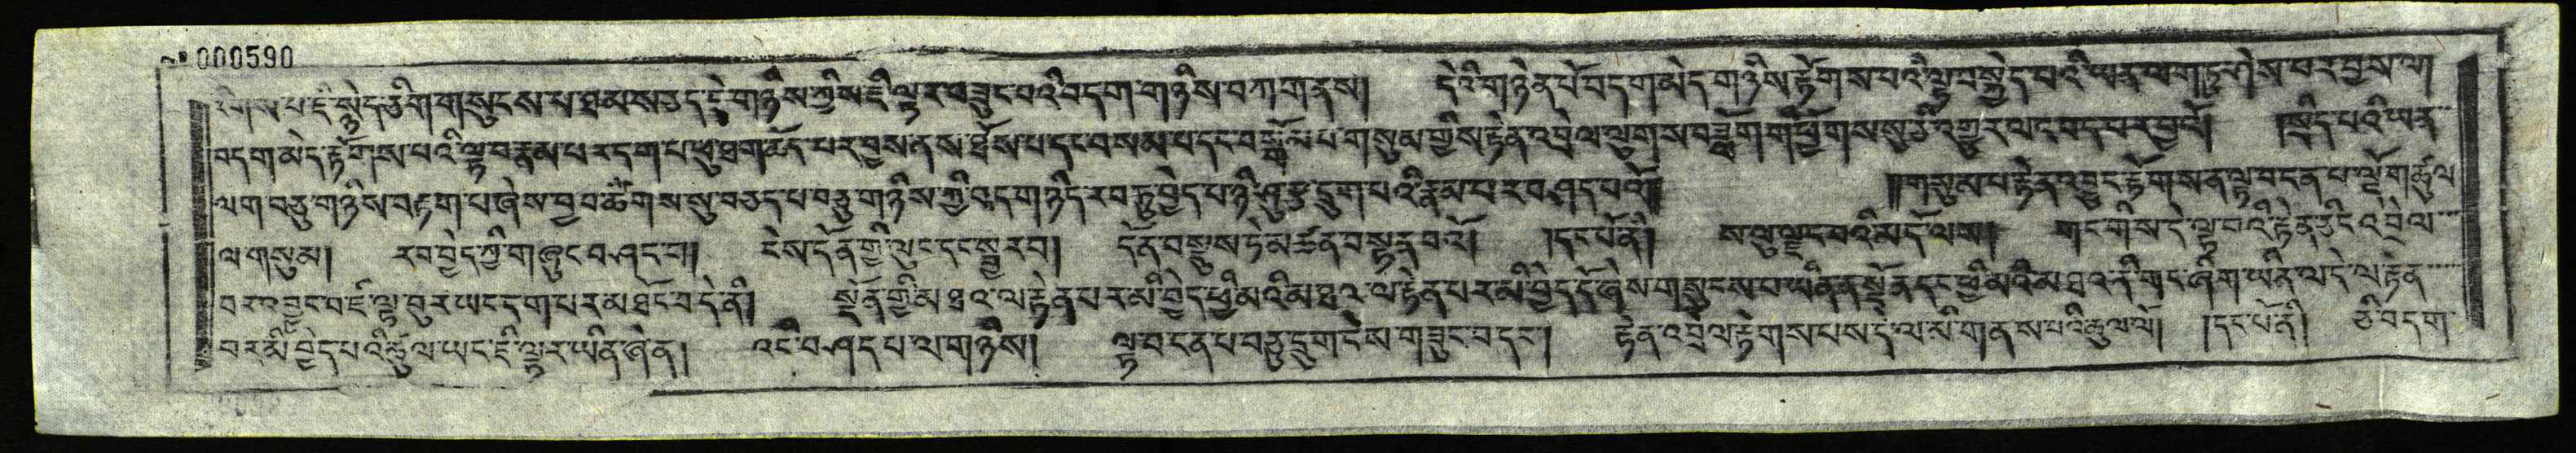རིགས་པ་ཇི་སྙེད་ཅིག་གསུངས་པ་ཐམས་ཅད་དེ་གཉིས་ཀྱིས་ཇི་ལྟར་བཟུང་བའི་བདག་གཉིས་བཀག་ནས། དེའི་གཉེན་པོ་བདག་མེད་གཉིས་རྟོགས་པའི་ལྷ་བསྐྱེད་པའི་ཡན་ལག་ཏུ་ཤེས་པར་བྱས་ལ།
བདག་མེད་རྟོགས་པའི་ལྟ་བ་རྣམ་པར་དག་པ་ཕུ་ཐག་ཆོད་པར་བྱས་ནས་ཐོས་པ་དང་བསམ་པ་དང་བསྒོམ་པ་གསུམ་གྱིས་རྟེན་འབྲེལ་ལུགས་བཟློག་གི་ཕྱོགས་སུ་ཅི་འགྱུར་ལ་འབད་པར་བྱའོ། །སྲིད་པའི་ཡན་
ལག་བཅུ་གཉིས་བརྟག་པ་ཞེས་བྱ་བ་ཚིགས་སུ་བཅད་པ་བཅུ་གཉིས་ཀྱི་བདག་ཉིད་རབ་ཏུ་བྱེད་པ་ཉི་ཤུ་རྩ་དྲུག་པའི་རྣམ་པར་བཤད་པའོ།། །།གསུམ་པ་རྟེན་འབྱུང་རྟོགས་ན་ལྟ་བ་ངན་པ་ལྡོག་ཚུལ་
ལ་གསུམ། རབ་བྱེད་ཀྱི་གཞུང་བཤད་པ། ངེས་དོན་གྱི་ལུང་དང་སྦྱར་བ། དོན་བསྡུས་ཏེ་མཚན་བསྟན་པའོ། །དང་པོ་ནི། ས་ལུ་ལྗང་བའི་མདོ་ལས། གང་གིས་དེ་ལྟ་བའི་རྟེན་ཅིང་འབྲེལ་
བར་འབྱུང་བ་ཇི་ལྟ་བུར་ཡང་དག་པར་མཐོང་བ་དེ་ནི། སྔོན་གྱི་མཐའ་ལ་རྟེན་པར་མི་བྱེད་ཕྱི་མའི་མཐའ་ལ་རྟེན་པར་མི་བྱེད་དོ་ཞེས་གསུངས་པ་ཡིན་ན་སྔོན་དང་ཕྱི་མའི་མཐའ་ནི་གང་ཞིག་ཡིན་ལ་དེ་ལ་རྟེན་
བར་མི་བྱེད་པའི་ཚུལ་ཡང་ཇི་ལྟར་ཡིན་ཞེ་ན། འདི་བཤད་པ་ལ་གཉིས། ལྟ་བ་ངན་པ་བཅུ་དྲུག་ངེས་གཟུང་བ་དང་། རྟེན་འབྲེལ་རྟགས་པས་དེ་ལ་མི་གནས་པའི་ཚུལ་ལོ། །དང་པོ་ནི། ཅི་བདག་